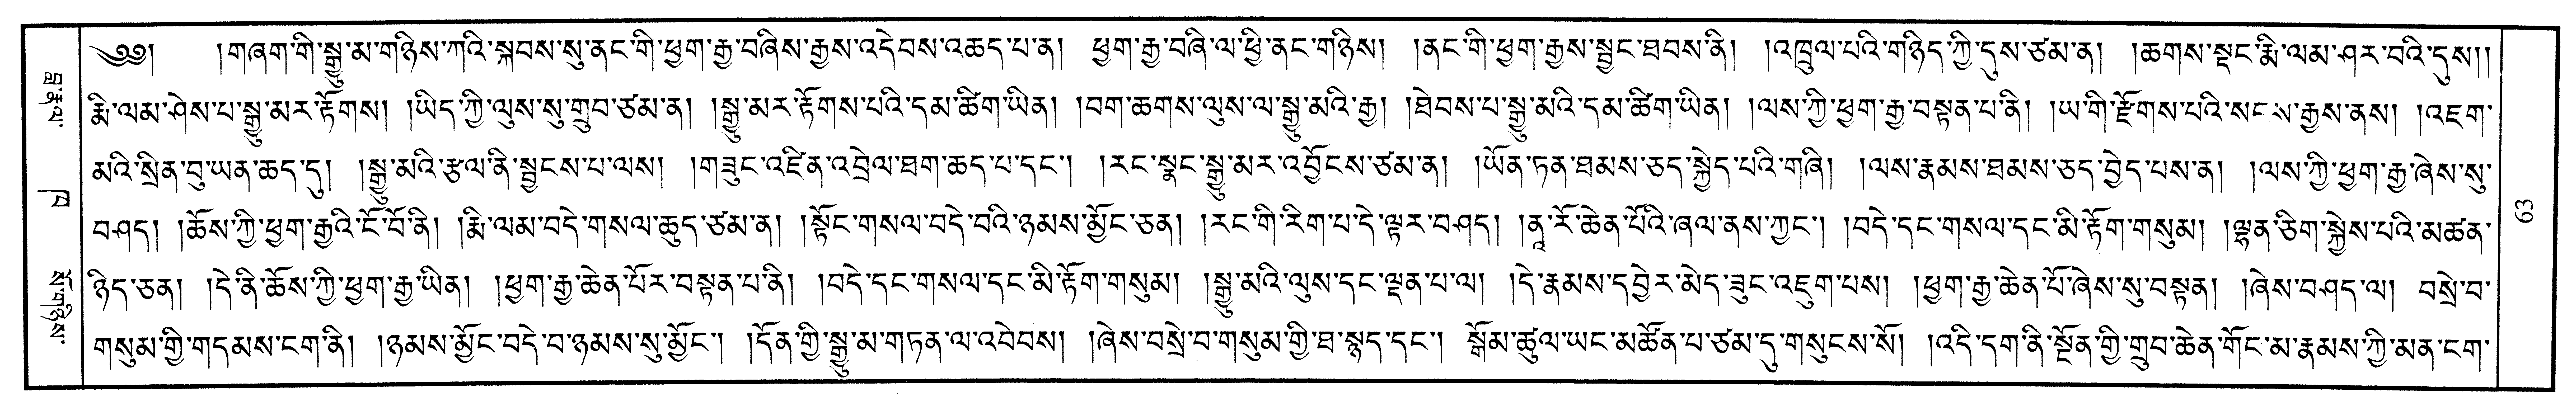༄༅། །གཞག་གི་སྒྱུ་མ་གཉིས་ཀའི་སྐབས་སུ་ནང་གི་ཕྱག་རྒྱ་བཞིས་རྒྱས་འདེབས་འཆད་པ་ན། ཕྱག་རྒྱ་བཞི་ལ་ཕྱི་ནང་གཉིས། །ནང་གི་ཕྱག་རྒྱས་སྦྱང་ཐབས་ནི། །འཁྲུལ་པའི་གཉིད་ཀྱི་དུས་ཙམ་ན། །ཆགས་སྡང་རྨི་ལམ་ཤར་བའི་དུས།།
རྨི་ལམ་ཤེས་པ་སྒྱུ་མར་རྟོགས། །ཡིད་ཀྱི་ལུས་སུ་གྲུབ་ཙམ་ན། །སྒྱུ་མར་རྟོགས་པའི་དམ་ཚིག་ཡིན། །བག་ཆགས་ལུས་ལ་སྒྱུ་མའི་རྒྱ། །ཐེབས་པ་སྒྱུ་མའི་དམ་ཚིག་ཡིན། །ལས་ཀྱི་ཕྱག་རྒྱ་བསྟན་པ་ནི། །ཡ་གི་རྫོགས་པའི་སངས་རྒྱས་ནས། །འཇག་
མའི་སྲིན་བུ་ཡན་ཆད་དུ། །སྒྱུ་མའི་རྩལ་ནི་སྦྱངས་པ་ལས། །གཟུང་འཛིན་འབྲེལ་ཐག་ཆད་པ་དང་། །རང་སྣང་སྒྱུ་མར་འབྱོངས་ཙམ་ན། །ཡོན་ཏན་ཐམས་ཅད་སྐྱེས་པའི་གཞི། །ལས་རྣམས་ཐམས་ཅད་བྱེད་པས་ན། །ལས་ཀྱི་ཕྱག་རྒྱ་ཞེས་སུ་
བཤད། །ཆོས་ཀྱི་ཕྱག་རྒྱའི་ངོ་བོ་ནི། །རྨི་ལམ་བདེ་གསལ་ཆུད་ཙམ་ན། །སྟོང་གསལ་བདེ་བའི་ཉམས་མྱོང་ཅན། །རང་གི་རིག་པ་དེ་ལྟར་བཤད། །ནཱ་རོ་ཆེན་པོའི་ཞལ་ནས་ཀྱང་། །བདེ་དང་གསལ་དང་མི་རྟོག་གསུམ། །ལྷན་ཅིག་སྐྱེས་པའི་མཚན་
ཉིད་ཅན། །དེ་ནི་ཆོས་ཀྱི་ཕྱག་རྒྱ་ཡིན། །ཕྱག་རྒྱ་ཆེན་པོར་བསྟན་པ་ནི། །བདེ་དང་གསལ་དང་མི་རྟོག་གསུམ། །སྒྱུ་མའི་ལུས་དང་ལྡན་པ་ལ། །དེ་རྣམས་དབྱེར་མེད་ཟུང་འཇུག་པས། །ཕྱག་རྒྱ་ཆེན་པོ་ཞེས་སུ་བསྟན། །ཞེས་བཤད་ལ། བསྲེ་བ་
གསུམ་གྱི་གདམས་ངག་ནི། །ཉམས་མྱོང་བདེ་བ་ཉམས་སུ་མྱོང་། །དོན་གྱི་སྒྱུ་མ་གཏན་ལ་འབེབས། །ཞེས་བསྲེ་བ་གསུམ་གྱི་ཐ་སྙད་དང་། སྒོམ་ཚུལ་ཡང་མཚོན་པ་ཙམ་དུ་གསུངས་སོ། །འདི་དག་ནི་སྔོན་གྱི་གྲུབ་ཆེན་གོང་མ་རྣམས་ཀྱི་མན་ངག་